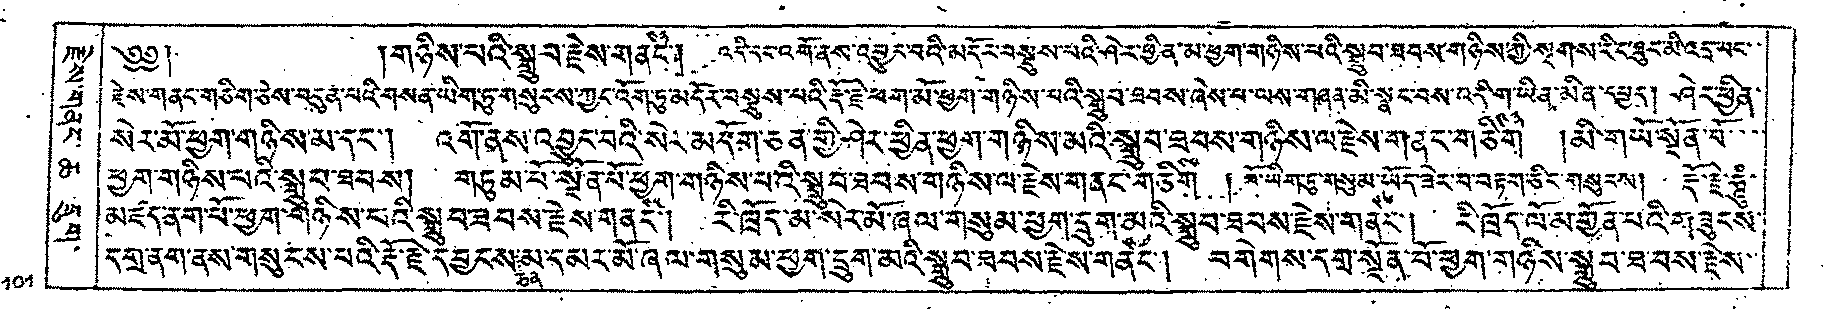༄༅། །གཉིས་པའི་སྒྲུབ་རྗེས་གནང ༤༢། འདི་དང་འགོ་ནས་འབྱུང་བའི་མདོར་བསྡུས་པའི་ཤེར་ཕྱིན་མ་ཕྱག་གཉིས་པའི་སྒྲུབ་ཐབས་གཉིས་ཀྱི་སྔགས་རིང་ཐུང་མི་འདྲ་ཡང་
རྗེས་གནང་གཅིག་ཅེས་བདུན་པའི་གསན་ཡིག་ཏུ་གསུངས་ཀྱང་འོག་ཏུ་མདོར་བསྡུས་པའི་རྡོ་རྗེ་ཕག་མོ་ཕྱག་གཉིས་པའི་སྒྲུབ་ཐབས་ཞེས་པ་ལས་གཞན་མི་སྣང་བས་འདི་ག་ཡིན་མིན་དཔྱད། ཤེར་ཕྱིན་
སེར་མོ་ཕྱག་གཉིས་མ་དང་། འགོ་ནས་འབྱུང་བའི་སེར་མདོག་ཅན་གྱི་ཤེར་ཕྱིན་ཕྱག་གཉིས་མའི་སྒྲུབ་ཐབས་གཉིས་ལ་རྗེས་གནང་གཅིག ༤༣་།མི་གཡོ་སྔོན་པོ་
ཕྱག་གཉིས་པའི་སྒྲུབ་ཐབས། གཏུམ་པོ་སྔོན་པོ་ཕྱག་གཉིས་པའི་སྒྲུབ་ཐབས་གཉིས་ལ་རྗེས་གནང་གཅིག ༤༤། ཐོ་ཡིག་ཏུ་གསུམ་ཡོད་ཟེར་བ་བརྟག་ཅིང་གསུངས།  རྡོ་རྗེ་ཧཱུཾ་
མཛད་ནག་པོ་ཕྱག་གཉིས་པའི་སྒྲུབ་ཐབས་རྗེས་གནང ༤༥། རི་ཁྲོད་མ་སེར་མོ་ཞལ་གསུམ་ཕྱག་དྲུག་མའི་སྒྲུབ་ཐབས་རྗེས་གནང ༤༦། རི་ཁྲོད་ལོ་མ་གྱོན་པའི་གཟུངས་
དགྲ་ནག་ནས་གསུངས་པའི་རྡོ་རྗེ་དབྱངས་ཅན་མ་དམར་མོ་ཞལ་གསུམ་ཕྱག་དྲུག་མའི་སྒྲུབ་ཐབས་རྗེས་གནང ༤༧། བགེགས་དགྲ་སྔོན་པོ་ཕྱག་གཉིས་སྒྲུབ་ཐབས་རྗེས་